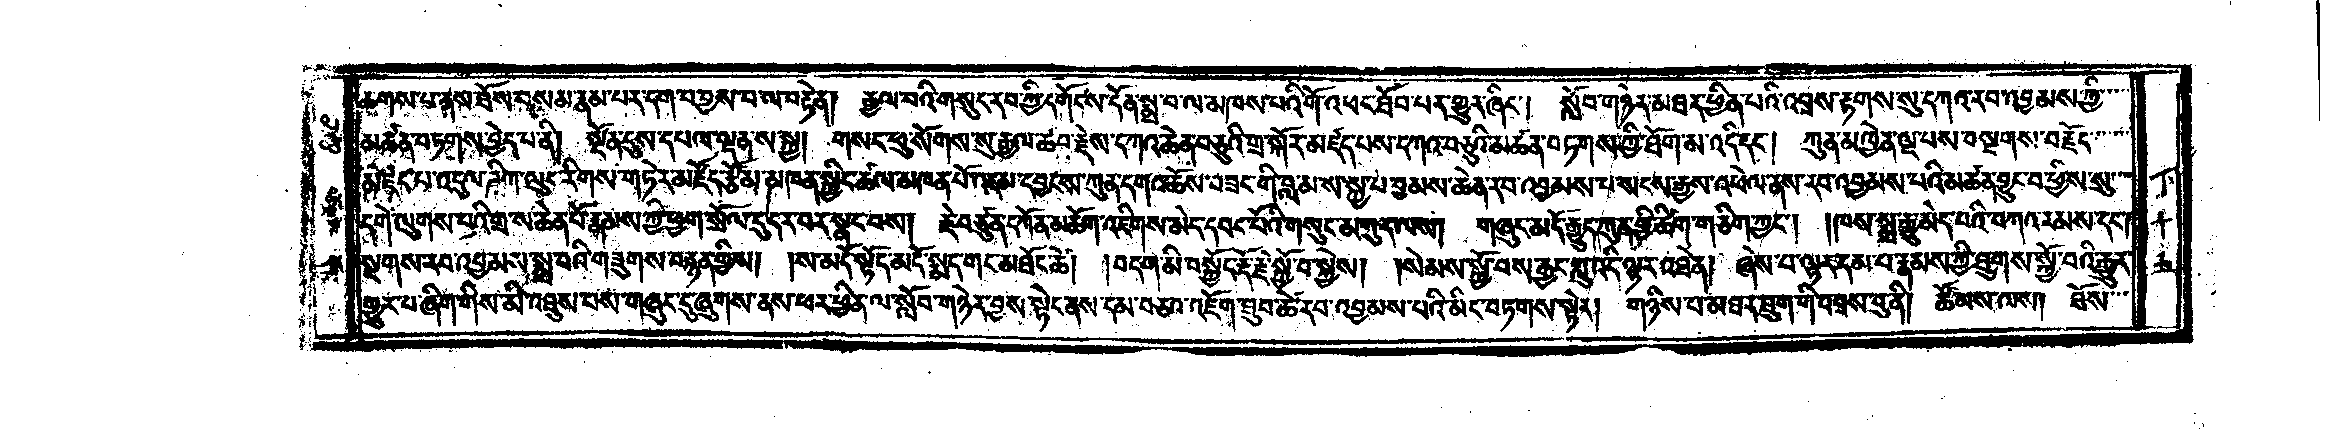ཆགས་པ་ནས་ཐོས་བསམ་རྣམ་པར་དག་པ་བྱས་པ་ལ་བརྟེན། རྒྱལ་བའི་གསུང་རབ་ཀྱི་དགོངས་དོན་སྨྲ་བ་ལ་མཁས་པའི་གོ་འཕང་ཐོབ་པར་གྱུར་ཞིང་། སློབ་གཉེར་མཐར་ཕྱིན་པའི་འབྲས་རྟགས་སུ་དཀའ་རབ་འབྱམས་ཀྱི་
མཚན་བཏགས་བྱེད་པ་ནི། སྔོན་དུས་དཔལ་ལྡན་ས་སྐྱ། གསང་ཕུ་སོགས་སུ་རྒྱལ་ཚབ་རྗེས་དཀའ་ཆེན་བཅུའི་གྲ་སྐོར་མཛད་པས་དཀའ་བཅུའི་མཚན་བཏགས་ཀྱི་ཐོག་མ་འདི་དང་། ཀུན་མཁྱེན་ལྔ་པས་བསྔགས་བརྗོད་
མཛད་པ་འདུལ་ཌིཀ་ལུང་རིགས་གཏེར་མཛོད་རྩོམ་མཁན་སྐྱིད?་ཚལ་མཁན་པོ་འཇམ་དབྱངས་ཀུན་དགའ་ཆོས་བཟང་གི་བླ་མ་ས་སྐྱ་པ་བྱམས་ཆེན་རབ་འབྱམས་པ་སངས་རྒྱས་འཕེལ་ནས་རབ་འབྱམས་པའི་མཚན་བྱུང་བ་ཕྱིས་སུ་
དགེ་ལུགས་པའི་གྲ་ས་ཆེན་པོ་རྣམས་ཀྱི་ཕྱག་སྲོལ་དུ་དར་བར་སྣང་བས། རྗེ་བཙུན་དཀོན་མཆོག་འཇིགས་མེད་དབང་པོའི་གསུང་མགུར་ལས། གཞུང་མདོ་རྒྱུད་ཀུན་གྱི་ཚིག?་གཅིག་ཀྱང་། །ཁས་སྨྲ་རྒྱུ་མེད་པའི་བཀའ་རམས་དང་།
སྔགས་རབ་འབྱམས་སྨྲ་བའི་གཟུགས་བརྙན་གྱིས། །ས་མདོ་སྟོད་མདོ་སྨད་གང་མཐོང་ཚེ། །བདག་མི་བསྐྱོད་རྡོ་རྗེ་སྐྱོ་བ་སྐྱེས། །སེམས་སྐྱོ་བས་རྒྱང་གླུ་འདི་ལྟར་འཐེན། ཞེས་པ་ལྟར་དམ་པ་རྣམས་ཀྱི་ཐུགས་སྐྱོ་བའི་རྒྱད?
གྱུར་པ་ཞིག་གིས་མི་འཐུས་པས་གཞུང་དུ་ཞུགས་ནས་ཕར་ཕྱིན་ལ་སློབ་གཉེར་བྱས་སྟེང་ནས་དམ་བཅའ་འཇོག་ཐུབ་ཚེ་རབ་འབྱམས་པའི་མིང་བཏགས་སྟེར། གཉིས་པ་མཐར་ཐུག་གི་འབྲས་བུ་ནི། ཚོམས་ལས། ཐོས་